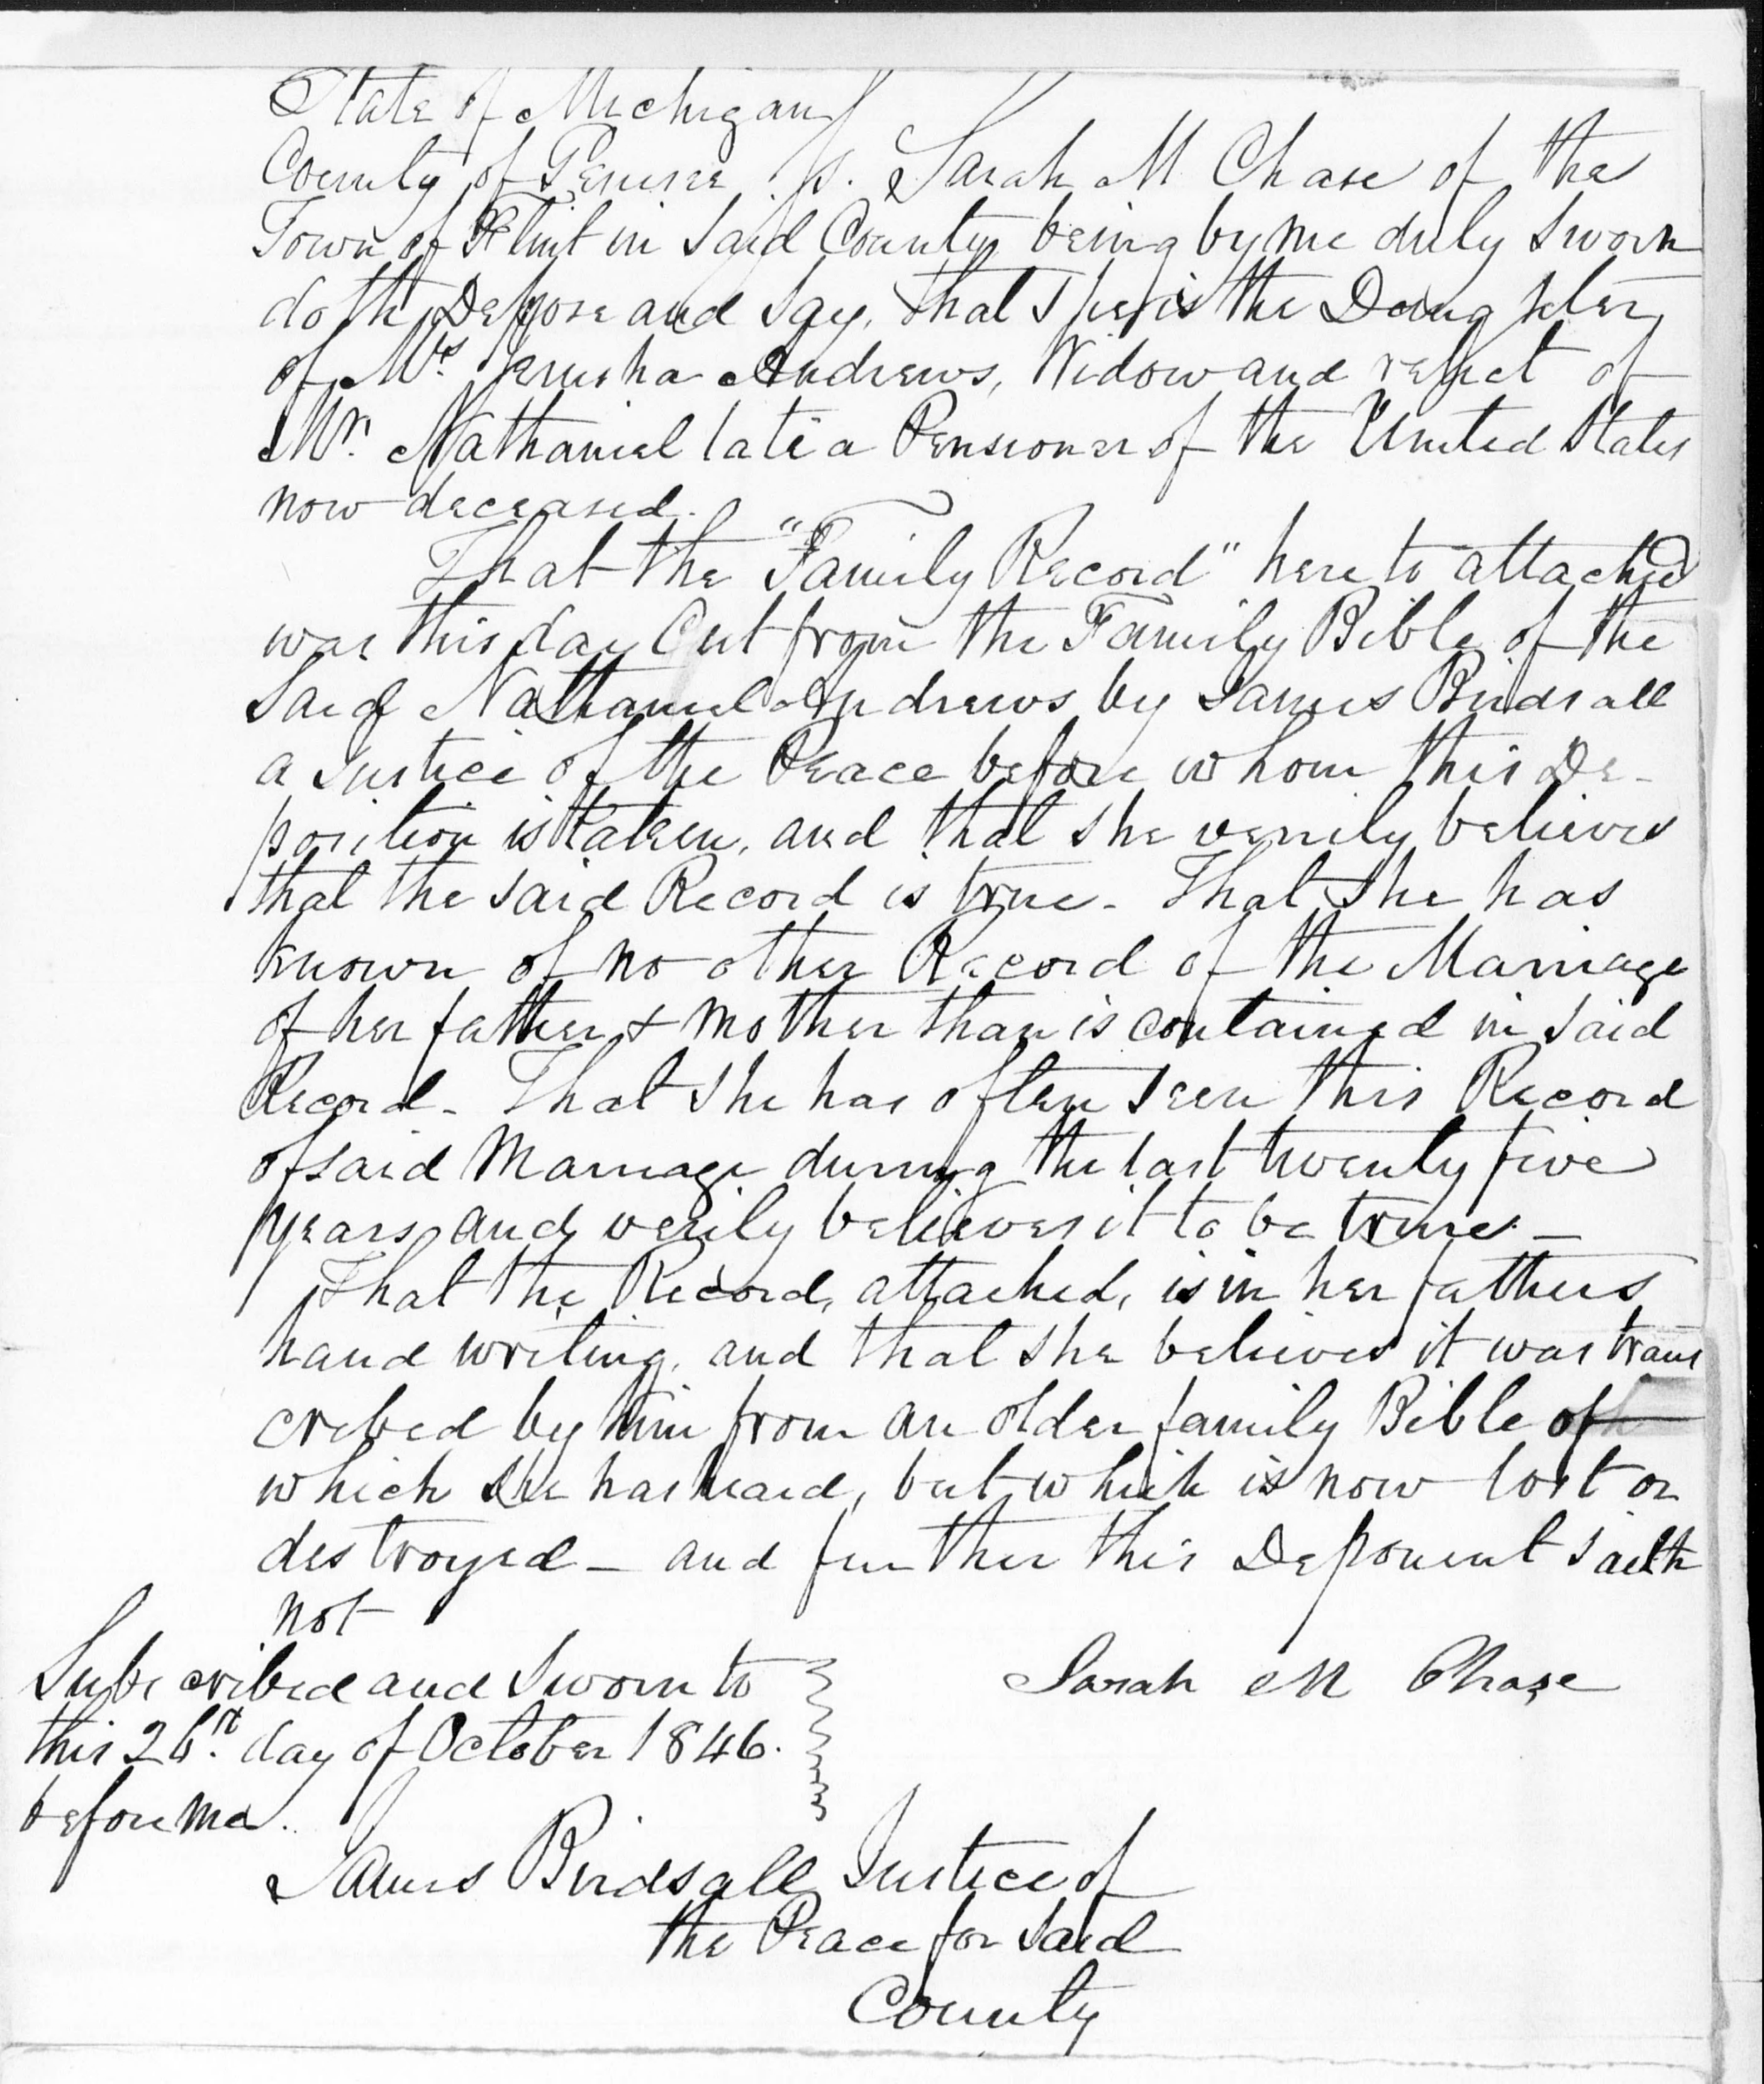State of Michigan
County of Genesee, S. Sarah M. Chase of the
Town of Flint in said County being by me duly sworn 
doth depose and say, that she is the Daughter
of Mr Jerusha Andrews, Widow and relict of
Mr Nathaniel late a Pensioner of the United States
now deceased,
That the "Family Record" hereto attached
was this day cut from the Family Bible of the
the
said Nathaniel Andrews by James Birdsall
a Justice of the Peace before whom this deposition
is taken, and that she verily believes
that the said Record is true. That she has
known of no other Record of the Marriage
of her father & mother than is contained in said
record that she has often seen this Record
of said Marriage during the last twenty five
years and verily believes it to be true
that the Record, attached, is in her fathers
hand writing, and that she believes it was handscribed by him from an older family Bible of
which she has heard, but which is now lost or
destroyed and further this Deponent saith
not
Sarah M Chase
Subscribed and Sworn to
this 26th day of October 1846
before me
James Birdsall Justice of
the Peace for said
County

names: Nathaniel, Nathaniel Andrews, James Birdsall, James Birdsall, Jerusha Andrews, Sarah M Chase, Sarah M Chase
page: 11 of 78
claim: widow's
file: W. 4117, Nathaniel Bradley, Conn.